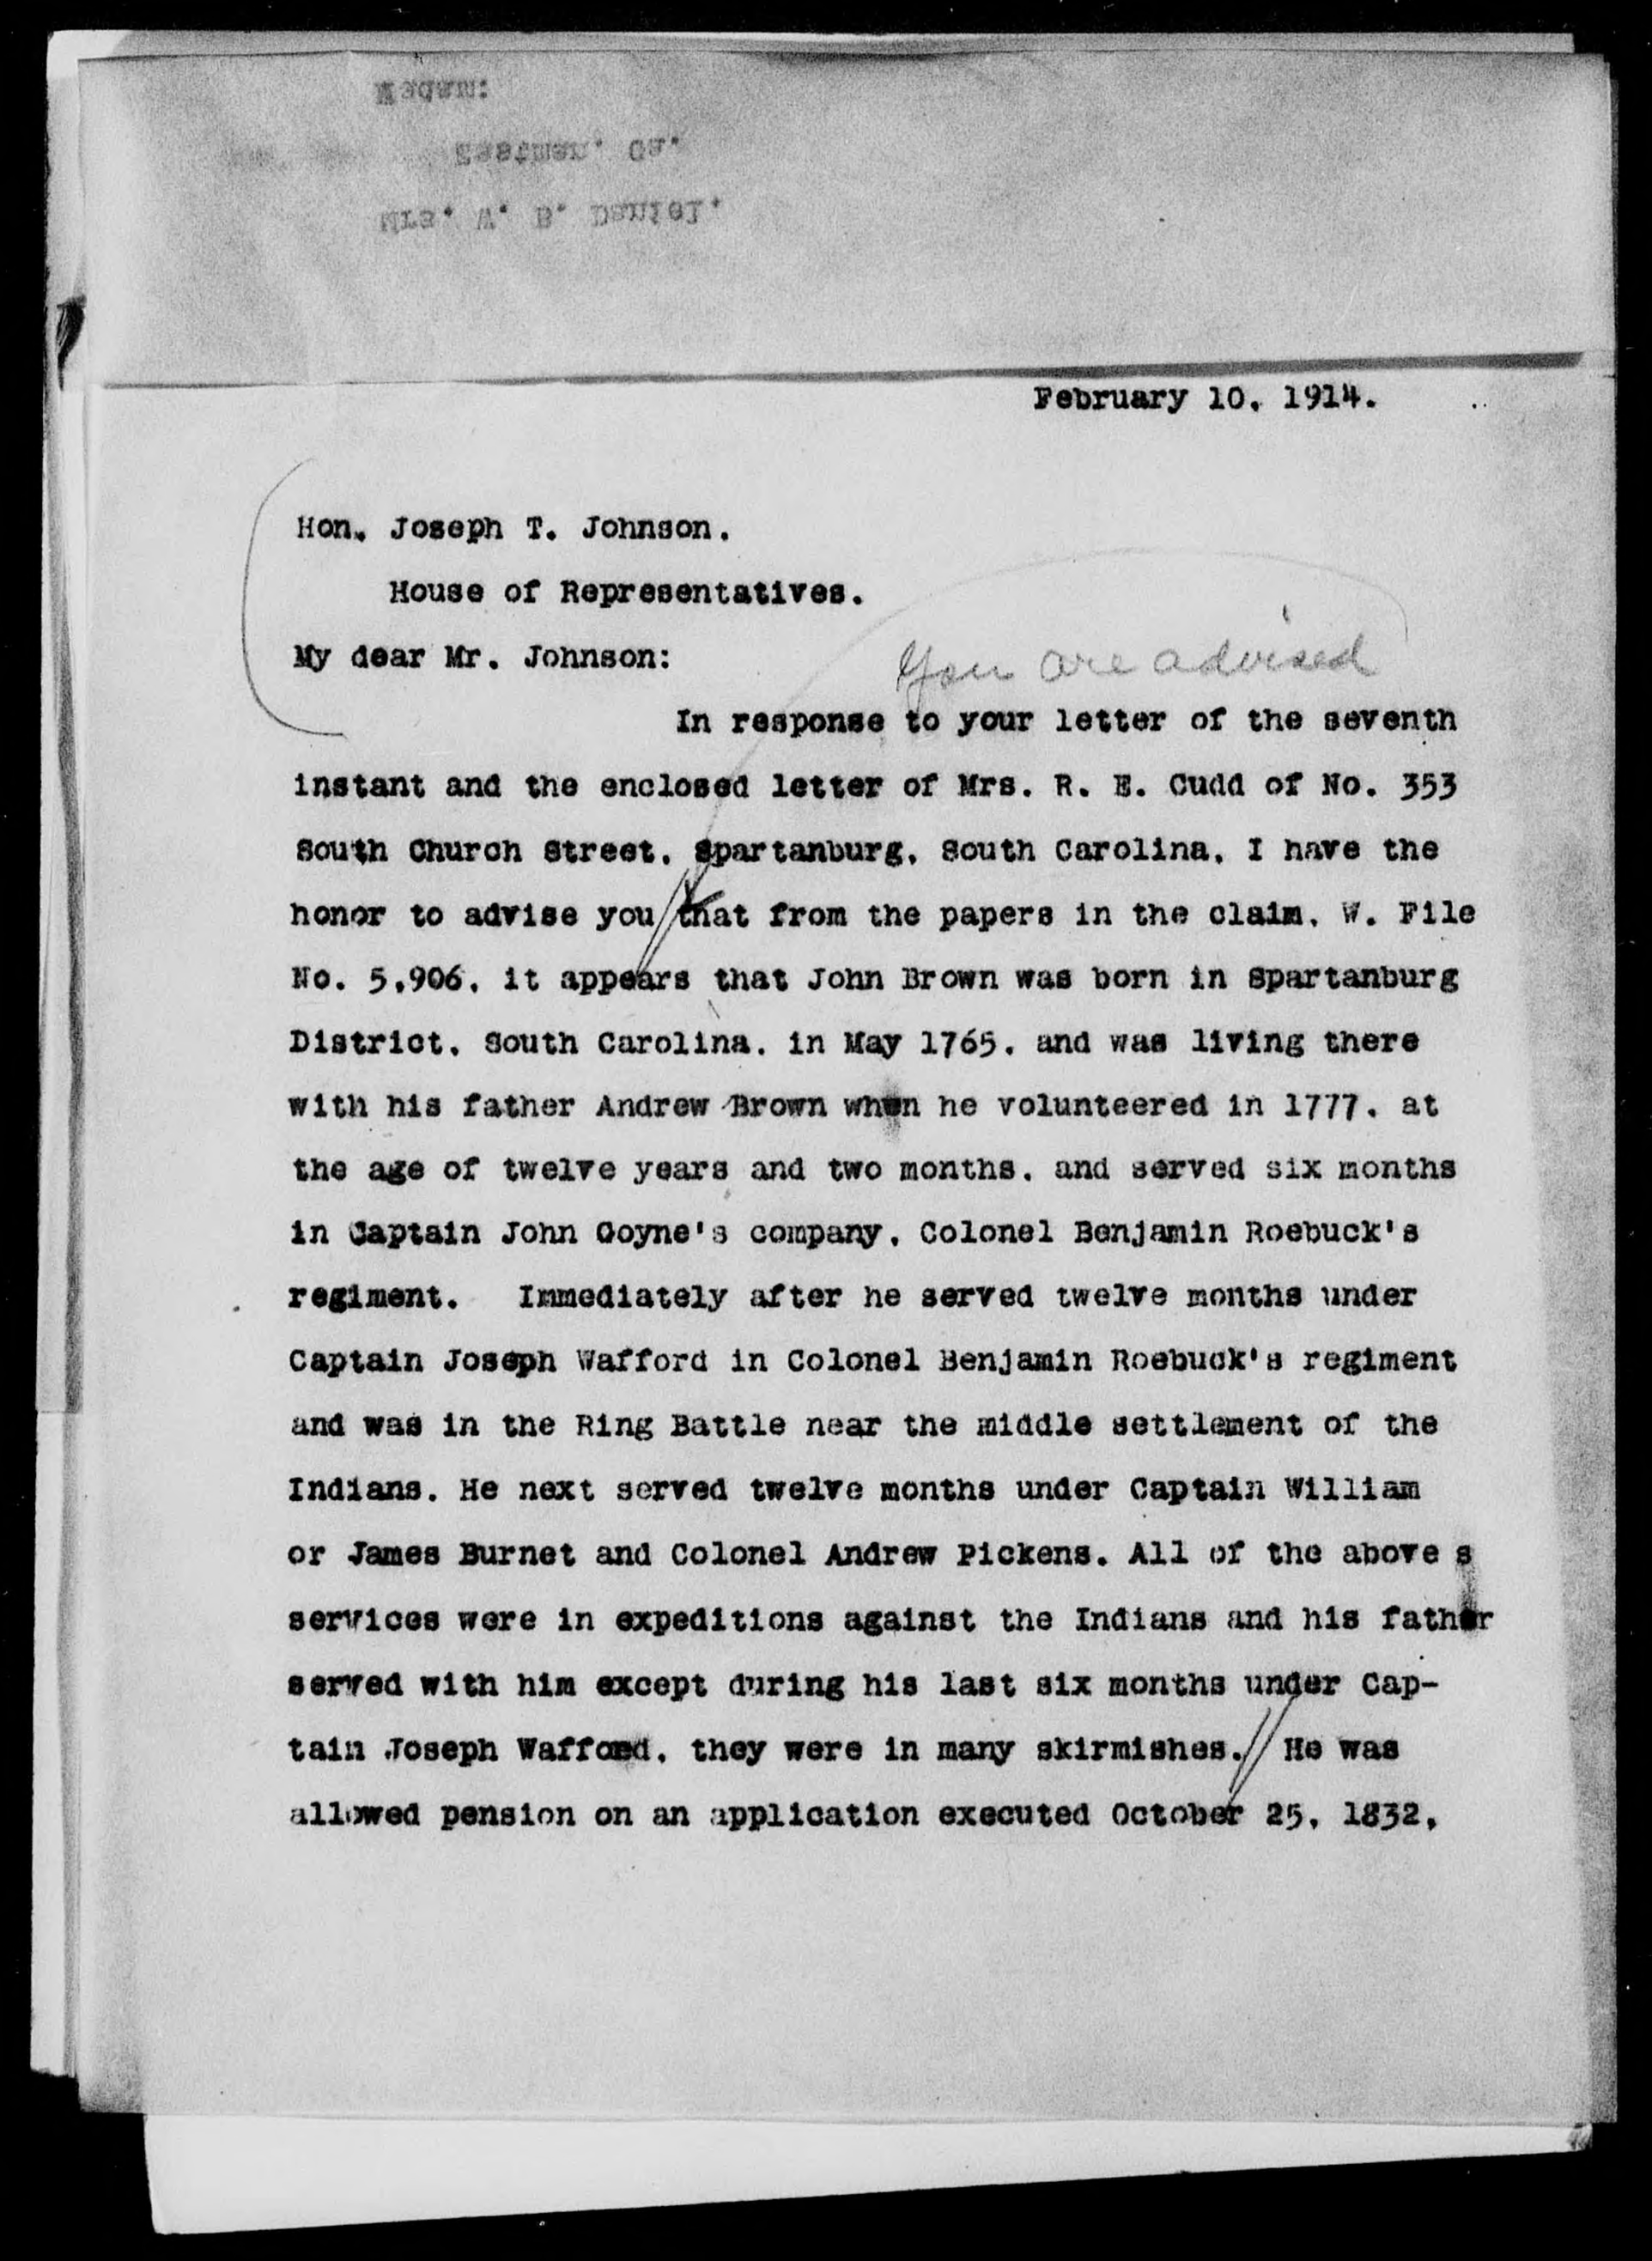February 10, 1914.

Hon. Joseph T. Johnson.

House of Representatives.

My dear Mr. Johnson:

In response to your letter of the seventh
instant and the enclosed letter of Mrs. R. E. Cudd of No. 353
South Church Street, Spartanburg, South Carolina, I have the
honor to advise you that from the papers in the claim, W. File
No. 5,906, it appears that John Brown was born in Spartanburg
District, South Carolina in May 1765, and was living there
with his father Andrew Brown when he volunteered in 1777, at
the age of twelve years and two months, and served six months
in Captain John Goyne's company, Colonel Benjamin Roebuck's
regiment. Immediately after he served twelve months under
Captain Joseph Wafford in Colonel Benjamin Roebuck's regiment
and was in the Ring Battle near the middle settlement of the
Indians. He next served twelve months under Captain William
or James Burnet and Colonel Andrew Pickens. All of the above
services were in expeditions against the Indians and his father
served with him except during his last six months under Capt
tain Joseph Wafford, they were in many skirmishes.  he was
allowed pension on an application executed October 25, 1832,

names: R E Cudd, James Burnet, B W Daniel, Joseph T Johnson, William Burnet, Johnson, Andrew Pickens, John Brown, Joseph Wafford, Joseph Wafford, Andrew Brown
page: 39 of 85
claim: widow's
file: W. 5,906, John Brown, S.C.